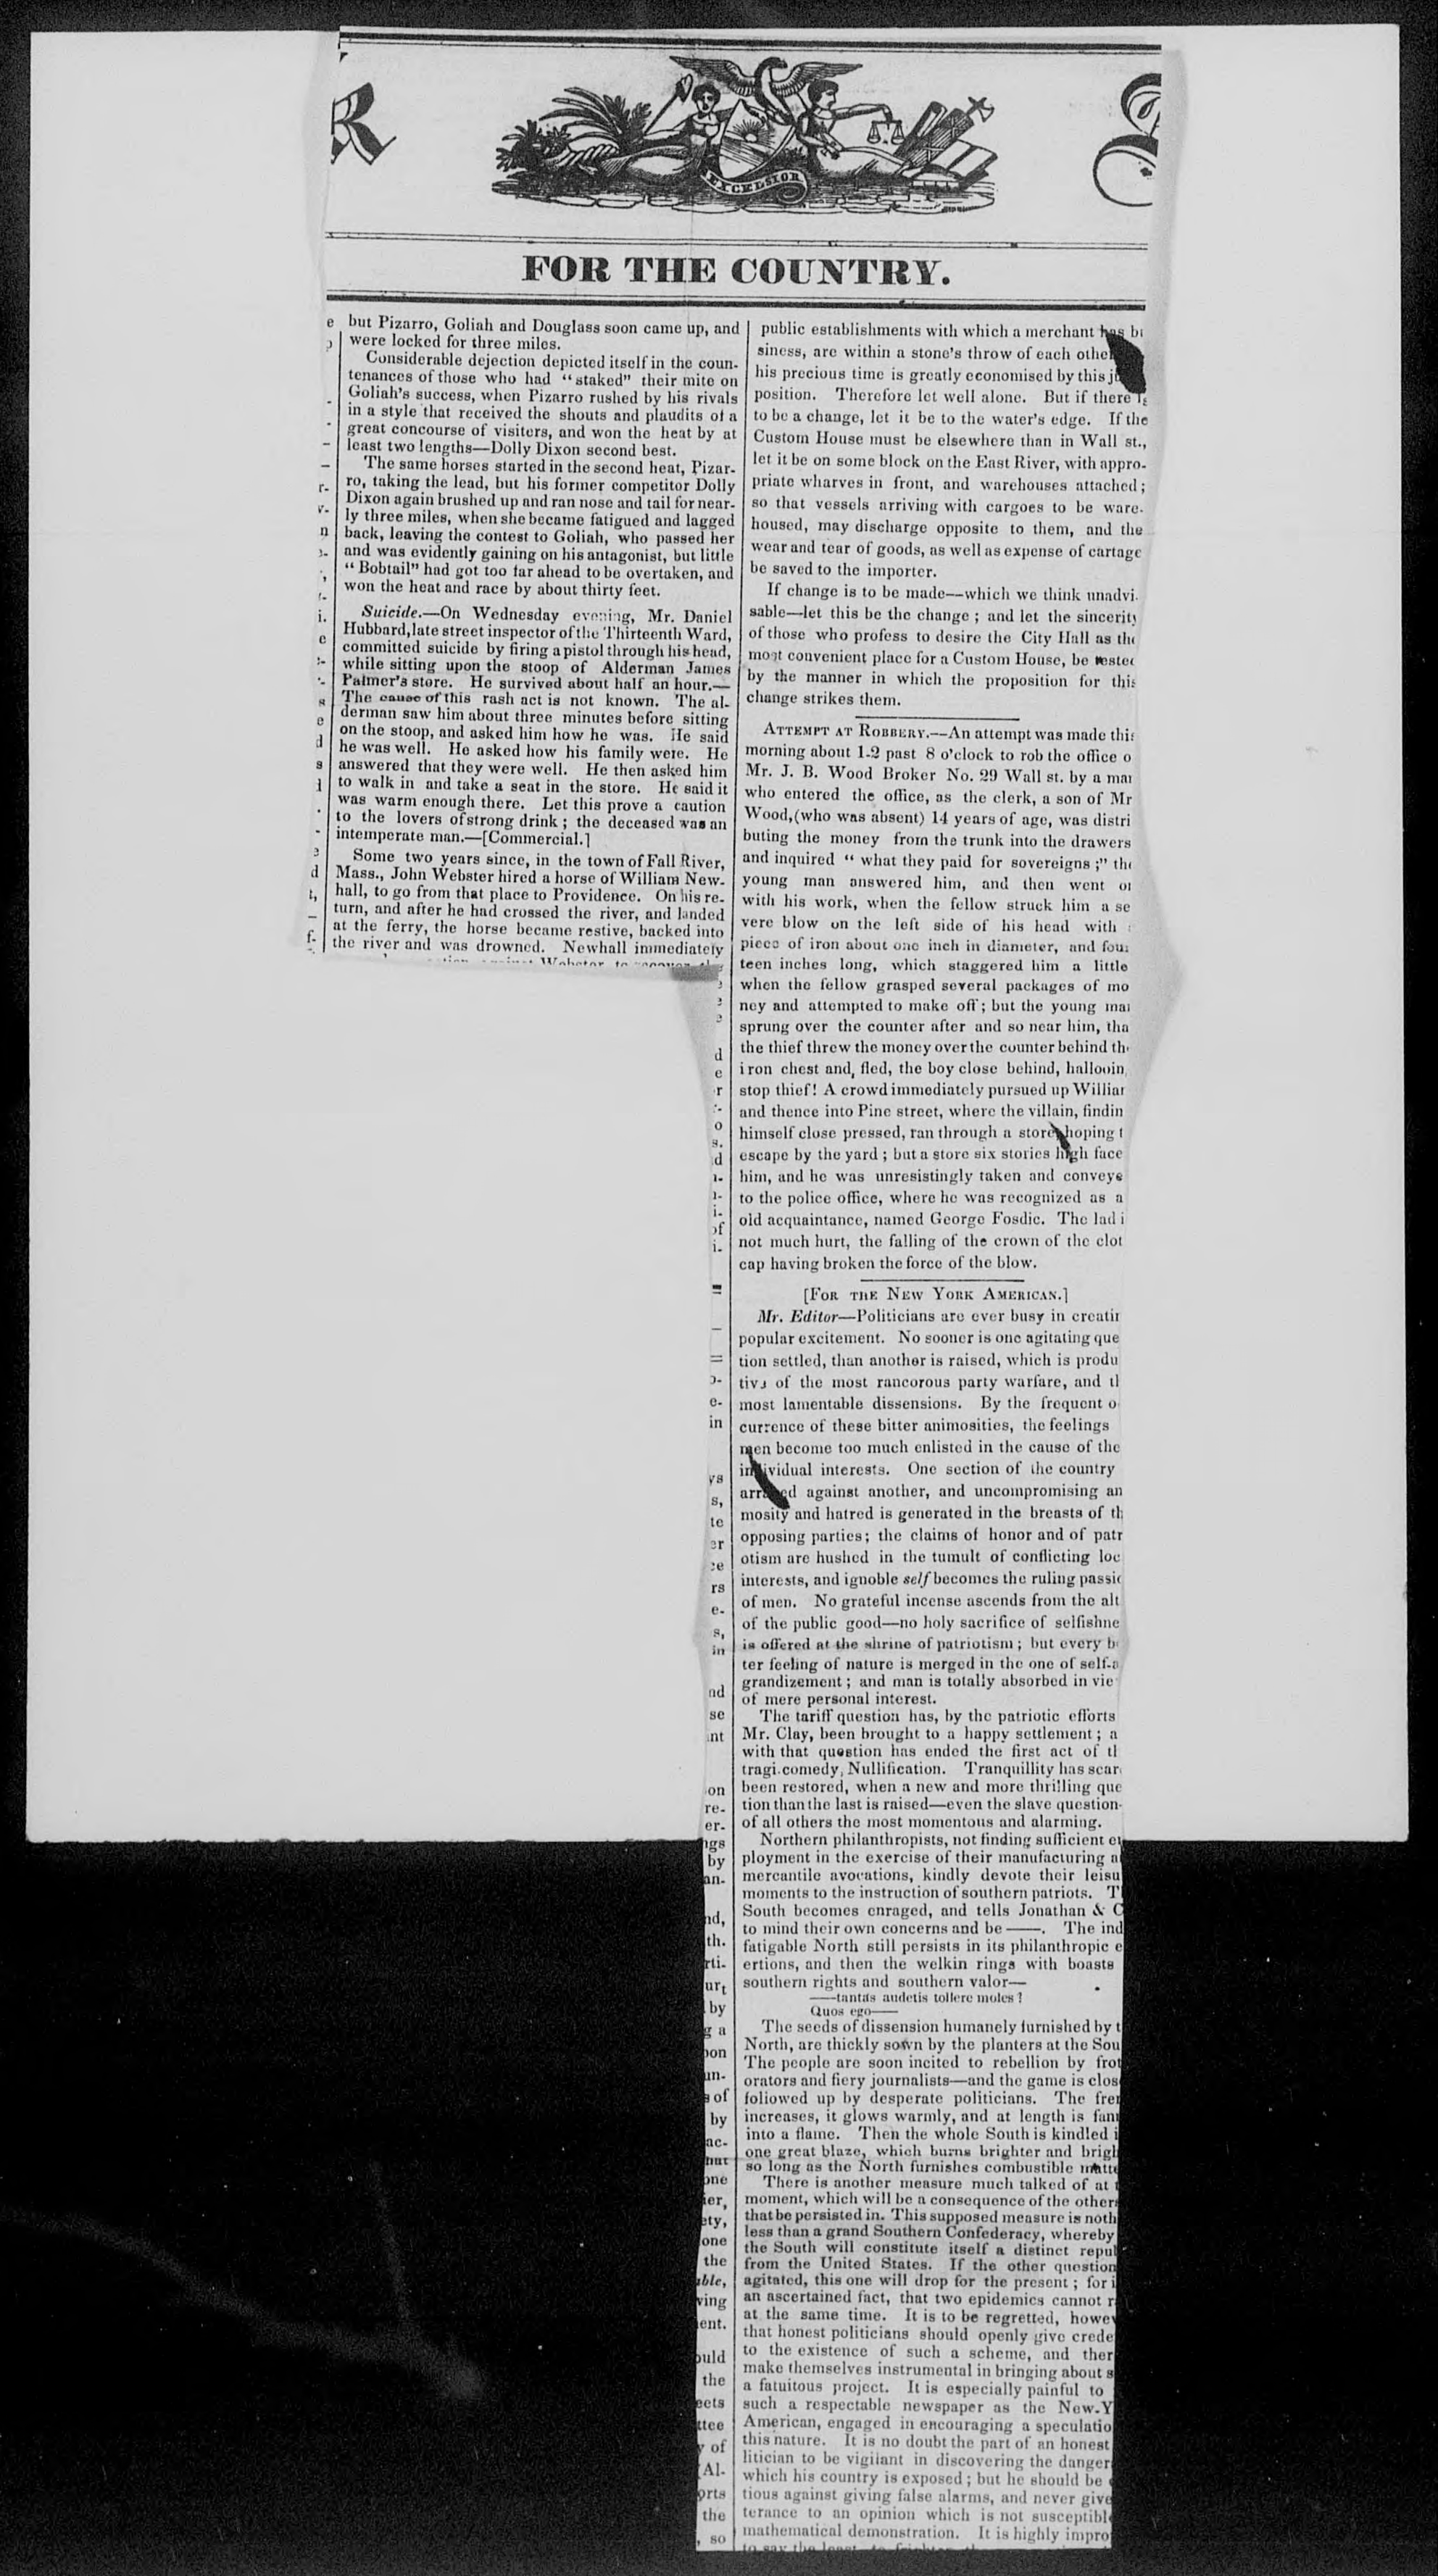Newspaper Clipping
[header - "For the Country"]
[Article]
[left column - starts mid-sentence]
but Pizarro, Goliah and Douglass soon came up, and were locked for three miles.
Considerable dejection depicted itself in the countenances of those who had "staked" their mite on Goliah's success, when Pizarro rushed by his rivals in a style that received the shouts and plaudits of a great concourse of visitors, and won the heat by at least two lengths - Dolly Dixon second best.
The same horses started in the second heat, Pizarro, taking the lead, but his former competitor Dolly Dixon again brushed up and ran nose and tail for nearly three miles, when she became fatigued and lagged back, leaving the contest to Goliah, who passed her and was evidently gaining on his antagonist, but little "Bobtail' had got too far ahead to be overtaken, and won the heat and race by about thirty feet.
Suicide. = On Wednesday evening, Mr. Daniel Hubbard, late street inspector of the Thirteenth Ward, committed suicide by firing a pistol through his head, while sitting upon the stoop of Alderman James Palmer's store. He survived about half an hour. The cause of this rash act is not known. The Alderman saw him about three minutes before sitting on the stoop, and asked him how he was. He said he was well. He asked how his family were. He answered that they were well. He then asked him to walk in and take a seat in the store. He said it was warm enough there. Let this prove a caution to the lovers of strong drink; the deceased was an intemperate man. - [Commercial.]
Some two years since, in the town of Fall River, Mass., John Webster hired a horse of William Newhall, to go from that place to Providence. On his return, and after he had crossed the river, and landed at the ferry, the horse became restive, backed into the river and was drowned. Newhall immediately [rest of column cut off]
[second (right) column]
[starts mid-sentence-right edge torn off]
public establishments with which a merchant has b....siness, are within a stone's throw of each other....his precious time is greatly economised by this ju.... position. Therefore let well alone. But if there is to be a change, let it be to the water's edge. If the ..Custom House must be elsewhere than in Wall st., let it be on some block on the East River, with appropriate wharves in front, and warehouses attached, so that vessels arriving with cargoes to be ware-housed, may discharge opposite to them, and the wear and tear of goods, as well as expense of cartage....be saved to the importer.
If change is to be made-which we think unadvisable - let this be the change; and let the sincerity of those who profess to desire the City Hall as the most convenient place for a Custom House be vested by the manner in which the proposition for this change strikes them.
---------------------------
ATTEMPT AT ROBBERY.--An attempt was made this morning at 1.2 past 8 o'clock to rob the office of Mr. J. B. Wood Broker No. 29 Wall st. by a man who entered the office, as the clerk, a son of Mr. Wood, (who was absent) 14 years of age, was distributing the money from the trunk into the drawers and inquired "what they paid for sovereigns;" the young man answered him, and then went on with his work, when the fellow struck him a severe blow on the left side of his head with a piece of iron about one inch in diameter, and fourteen inches long, which staggered him a little when the fellow grasped several packages of money and attempted to make off; but the young man sprung over the counter after and so near him, that the thief threw the money over the country behind the iron chest and, fled, the boy close behind, holloring [sic] stop thief!  A crowd immediately pursued up William and thence into Pine street, where the villain, finding himself close pressed, ran through a store hoping to escape by the yard; but a store six stories high faced him, and he was unresistingly taken and conveyed to the police office, where he was recognized as an old acquaintance, named 
George Fosdic.  The lad was not much hurt, the falling of the crown of the cloth cap having broken the force of the blow.   
-----------------------------------
[For the New York American.]
Mr. Editor--Politicians are ever busy in creating popular excitement.  No sooner is one agitating question settled, than another is raised, which is productive of the most rancorous party warfare, and the most lamentable dissensions.  By the frequent occurrence of these bitter animosities, the feelings of men become too must enlisted in the cause of the individual interests.  One section of the country arranged against another, and uncompromising animosity and hatred is generated in the breasts of the opposing parties; the claims of honor and of patriotism are hushed in the tumult of conflicting local interests, and ignoble self becomes the ruling passion of man.   No grateful incense ascends from the alt[rest of word cut off]  of the public good--no holy sacrifice of selfishness is offered at the shrine of patriotism; but every better feeling of nature is merged in the one of self-agrandizement;[sic] and man is totally absorbed in view of mere personal interest.    
The tariff question has, by the patriotic efforts of Mr. Clay, been brought to a happy settlement; a [word cut off] with that question has ended the first act of the tragic comedy, Nullification.  Tranquillity [sic] has scarcely been restored, when a new and more thrilling question than the last is raised--even the slave question of all others the most momentous and alarming.
Northern philanthropists not finding sufficient employment in the exercise of their manufacturing and mercantile avocations, kindly devote their leisure moments to the instruction of southern patriots. The South becomes enraged, and tells Jonathan & Co to mind their own concerns and be--.  The indefatigable North still persists in its philantropic [sic] exertions, and then the welkin rings with boasts of southern rights and southern valor--
--tantas audetis tollere moles?
Quos ego--

The seeds of dissension humanely furnished by the North, are thickly sown by the planters at the South.  The people are soon incited to rebellion by [word cut off] orators and fiery journalists--and the game is closely followed up by desperate politicians.  The frenzy increases, it glows warmly, and at length is fanned into a flame.  Then the whole South is kindled in one great blaze, which burns brighter and brighter so long as the North furnishes combustible matter.
There is another measure much talked of at the moment, which will be a consequence of others that be persisted in.  This supposed measure is nothing less than a grand Southern confederacy, whereby the South will constitute itself a distinct republic from the United States.  If the other questions are agitated, this one will drop off for the present; for it is an ascertained fact, that two epidemics cannot rule at the same time.  It is to be regretted, however, that honest politicians should openly give credence to the existence of such a scheme, and then make themselves instrumental in bringing about such a fatuitous project.  It is especially painful to such a respectable newspaper as the New. York American, engaged in encouraging  a speculation of this nature.  It is no doubt the part of an honest politician to be vigilant in discovering the danger to which his country is exposed; but he should never give preference to an opinion which is not susceptible to mathematical demonstration.  It is highly improper to say the least [rest of sentence is illegible]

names: J B Wood, Wood, Goliah, Clay, James Palmer, Daniel Hubbard, Pizarro, Douglass, Goliah, William, George Fosdic, Dolly Dixon, Goliah, Newhall, Jonathan, William Newhall, John Webster, Dolly Dixon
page: 10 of 17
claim: survivor's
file: S. 10575, James Dowling, Penn.